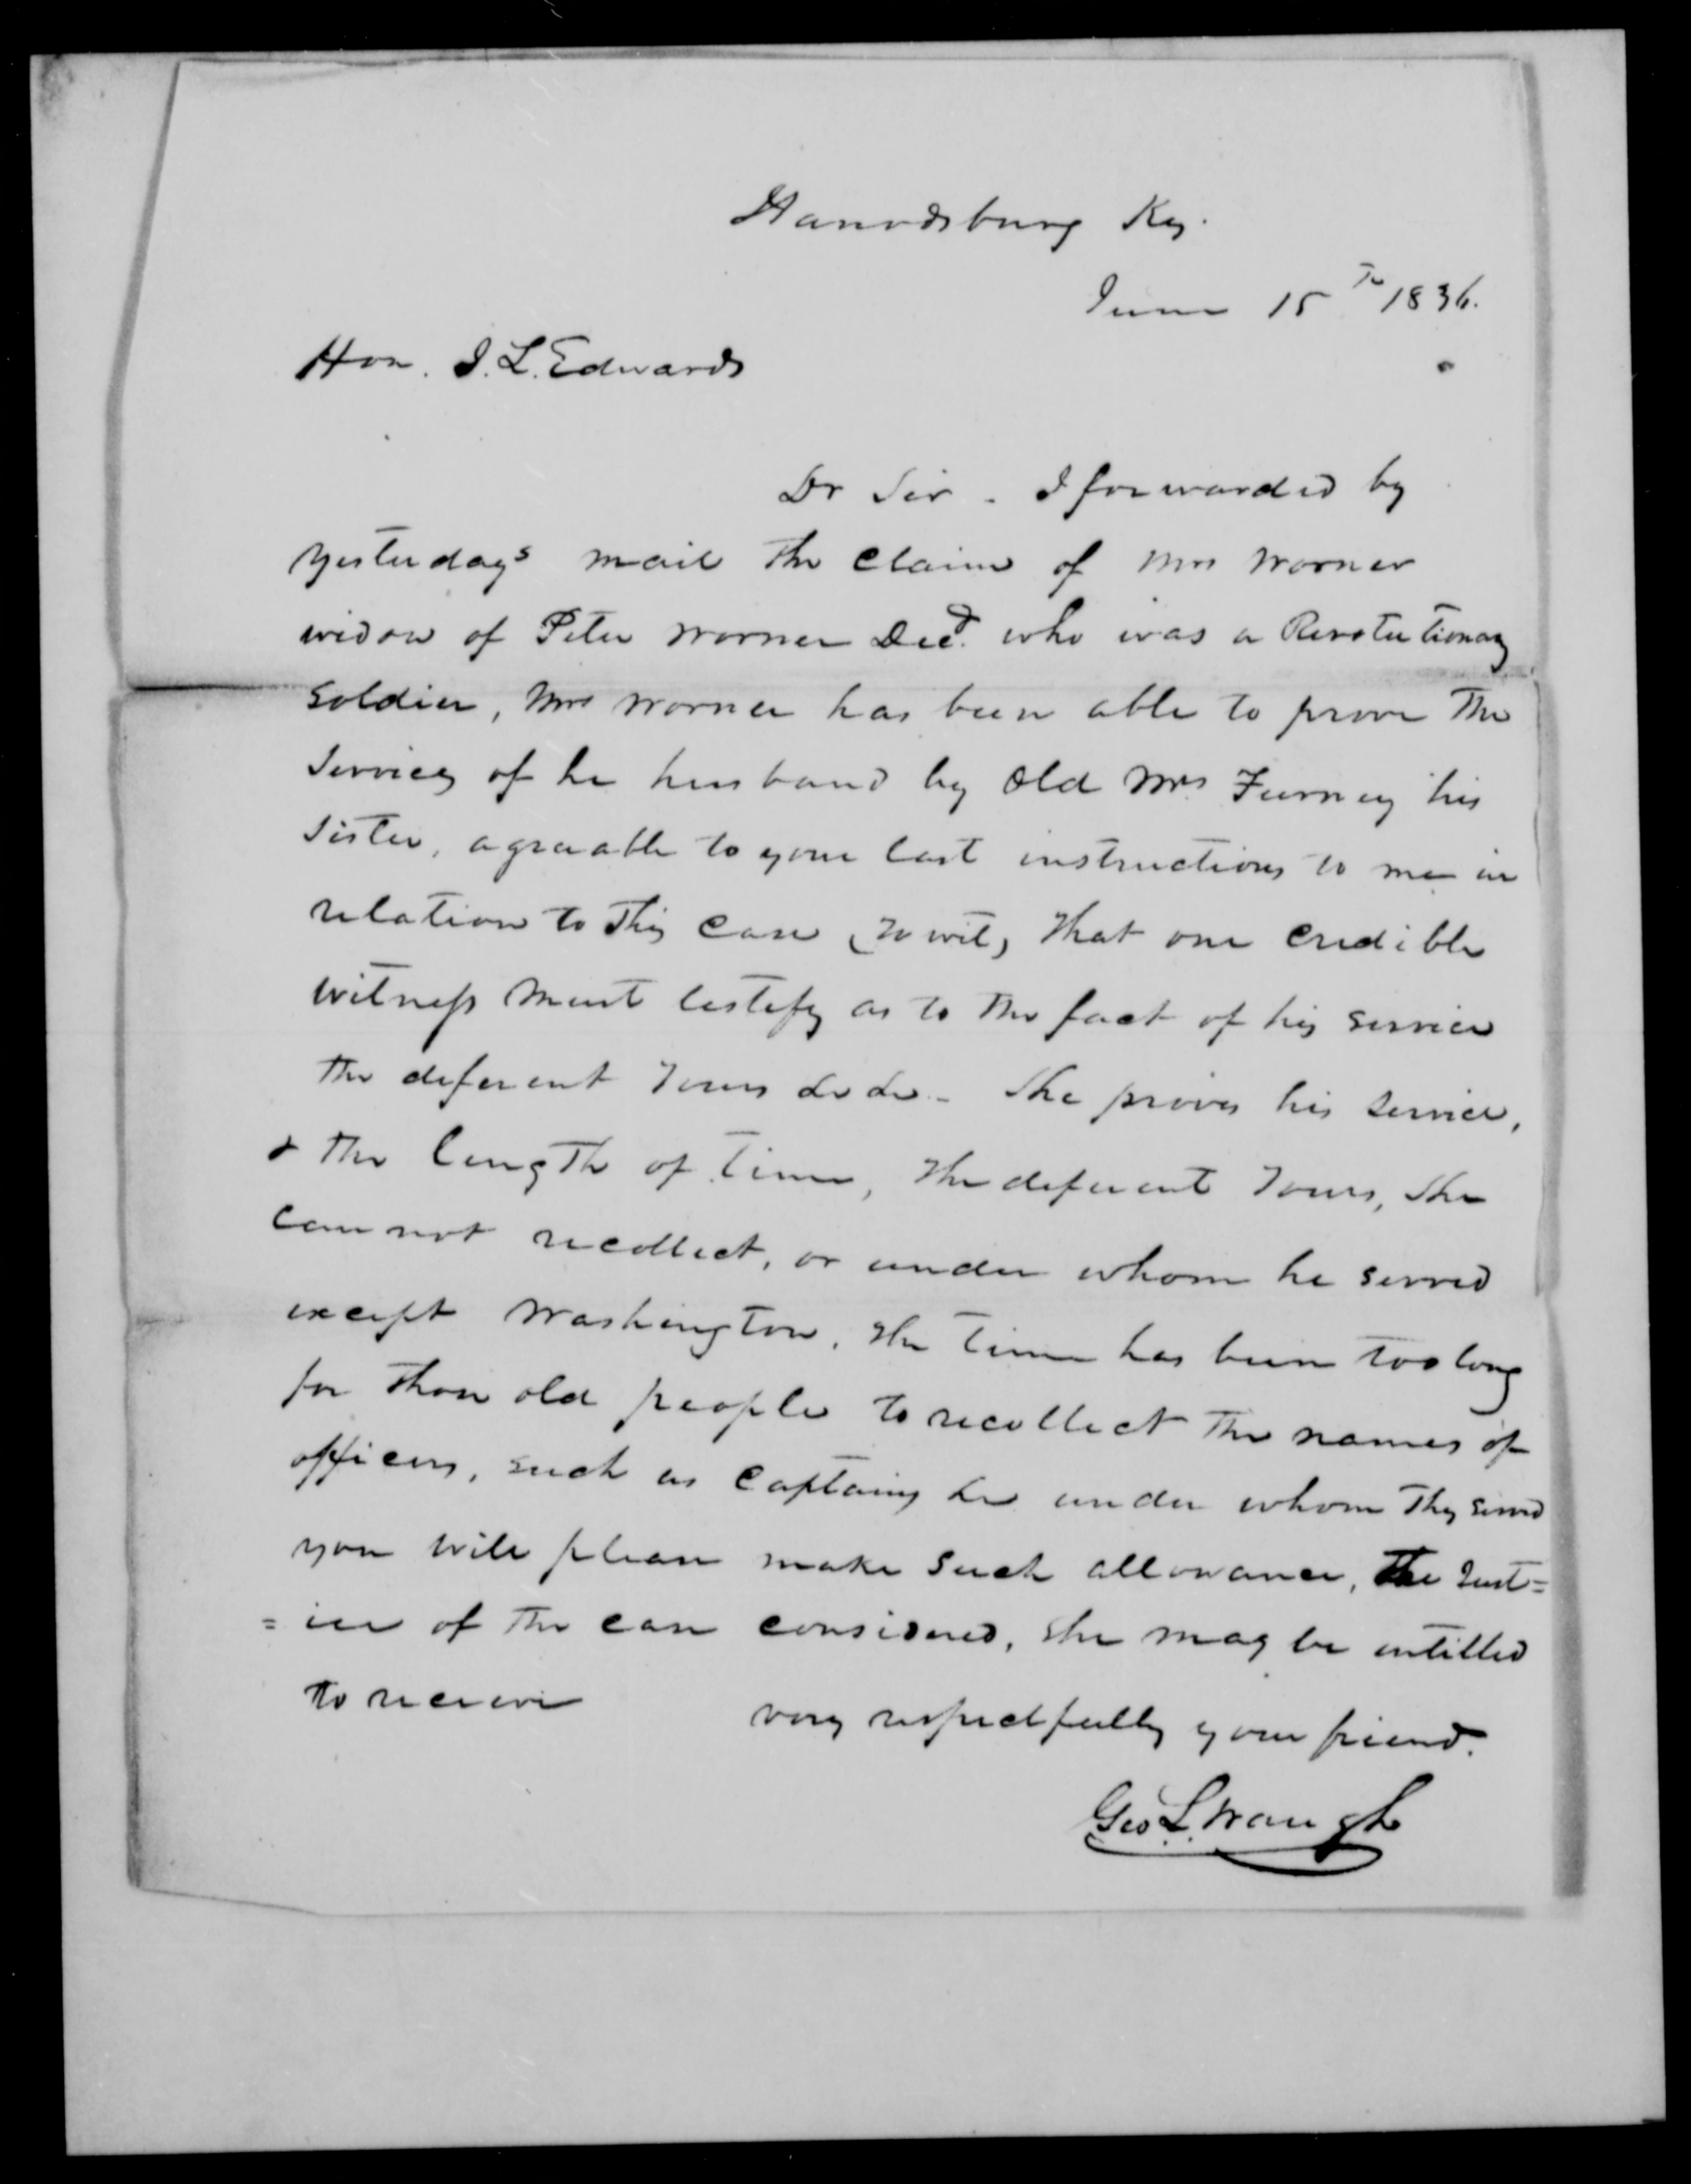Harrodsburg Ky.
June 15th 1836.

Hon. J.L. Edwards

Dr Sir - I forwarded by
yesterdays mail the claim of Mrs Worner
widow of Peter Worner Decd. who was a Revolutionary
soldier, Mrs Worner has been able to prove the
services of her husband by old Mrs Furney his
sister, agreeable to your last instructions to me in 
relation to this case (to wit) That one credible
witness must testify as to the fact of his service
the deferent tours so do. She proves his service,
& the length of time, the deferant tours, She 
cannot recollect, or under whom he served
except Washington. The time has been too long
for those old people to recollect the names of
officers, such as Captain she under whom they served
you will please make such allowance the Justice
of the can considered, she may be intilled [entitled]
to receive 
Very respectfully your friend.
Geo. L. Waugh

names: Peter Worner, J L Edwards, Geo L Waugh, Furney, Washington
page: 12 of 14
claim: rejected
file: R 11149, Peter Worner, Md.